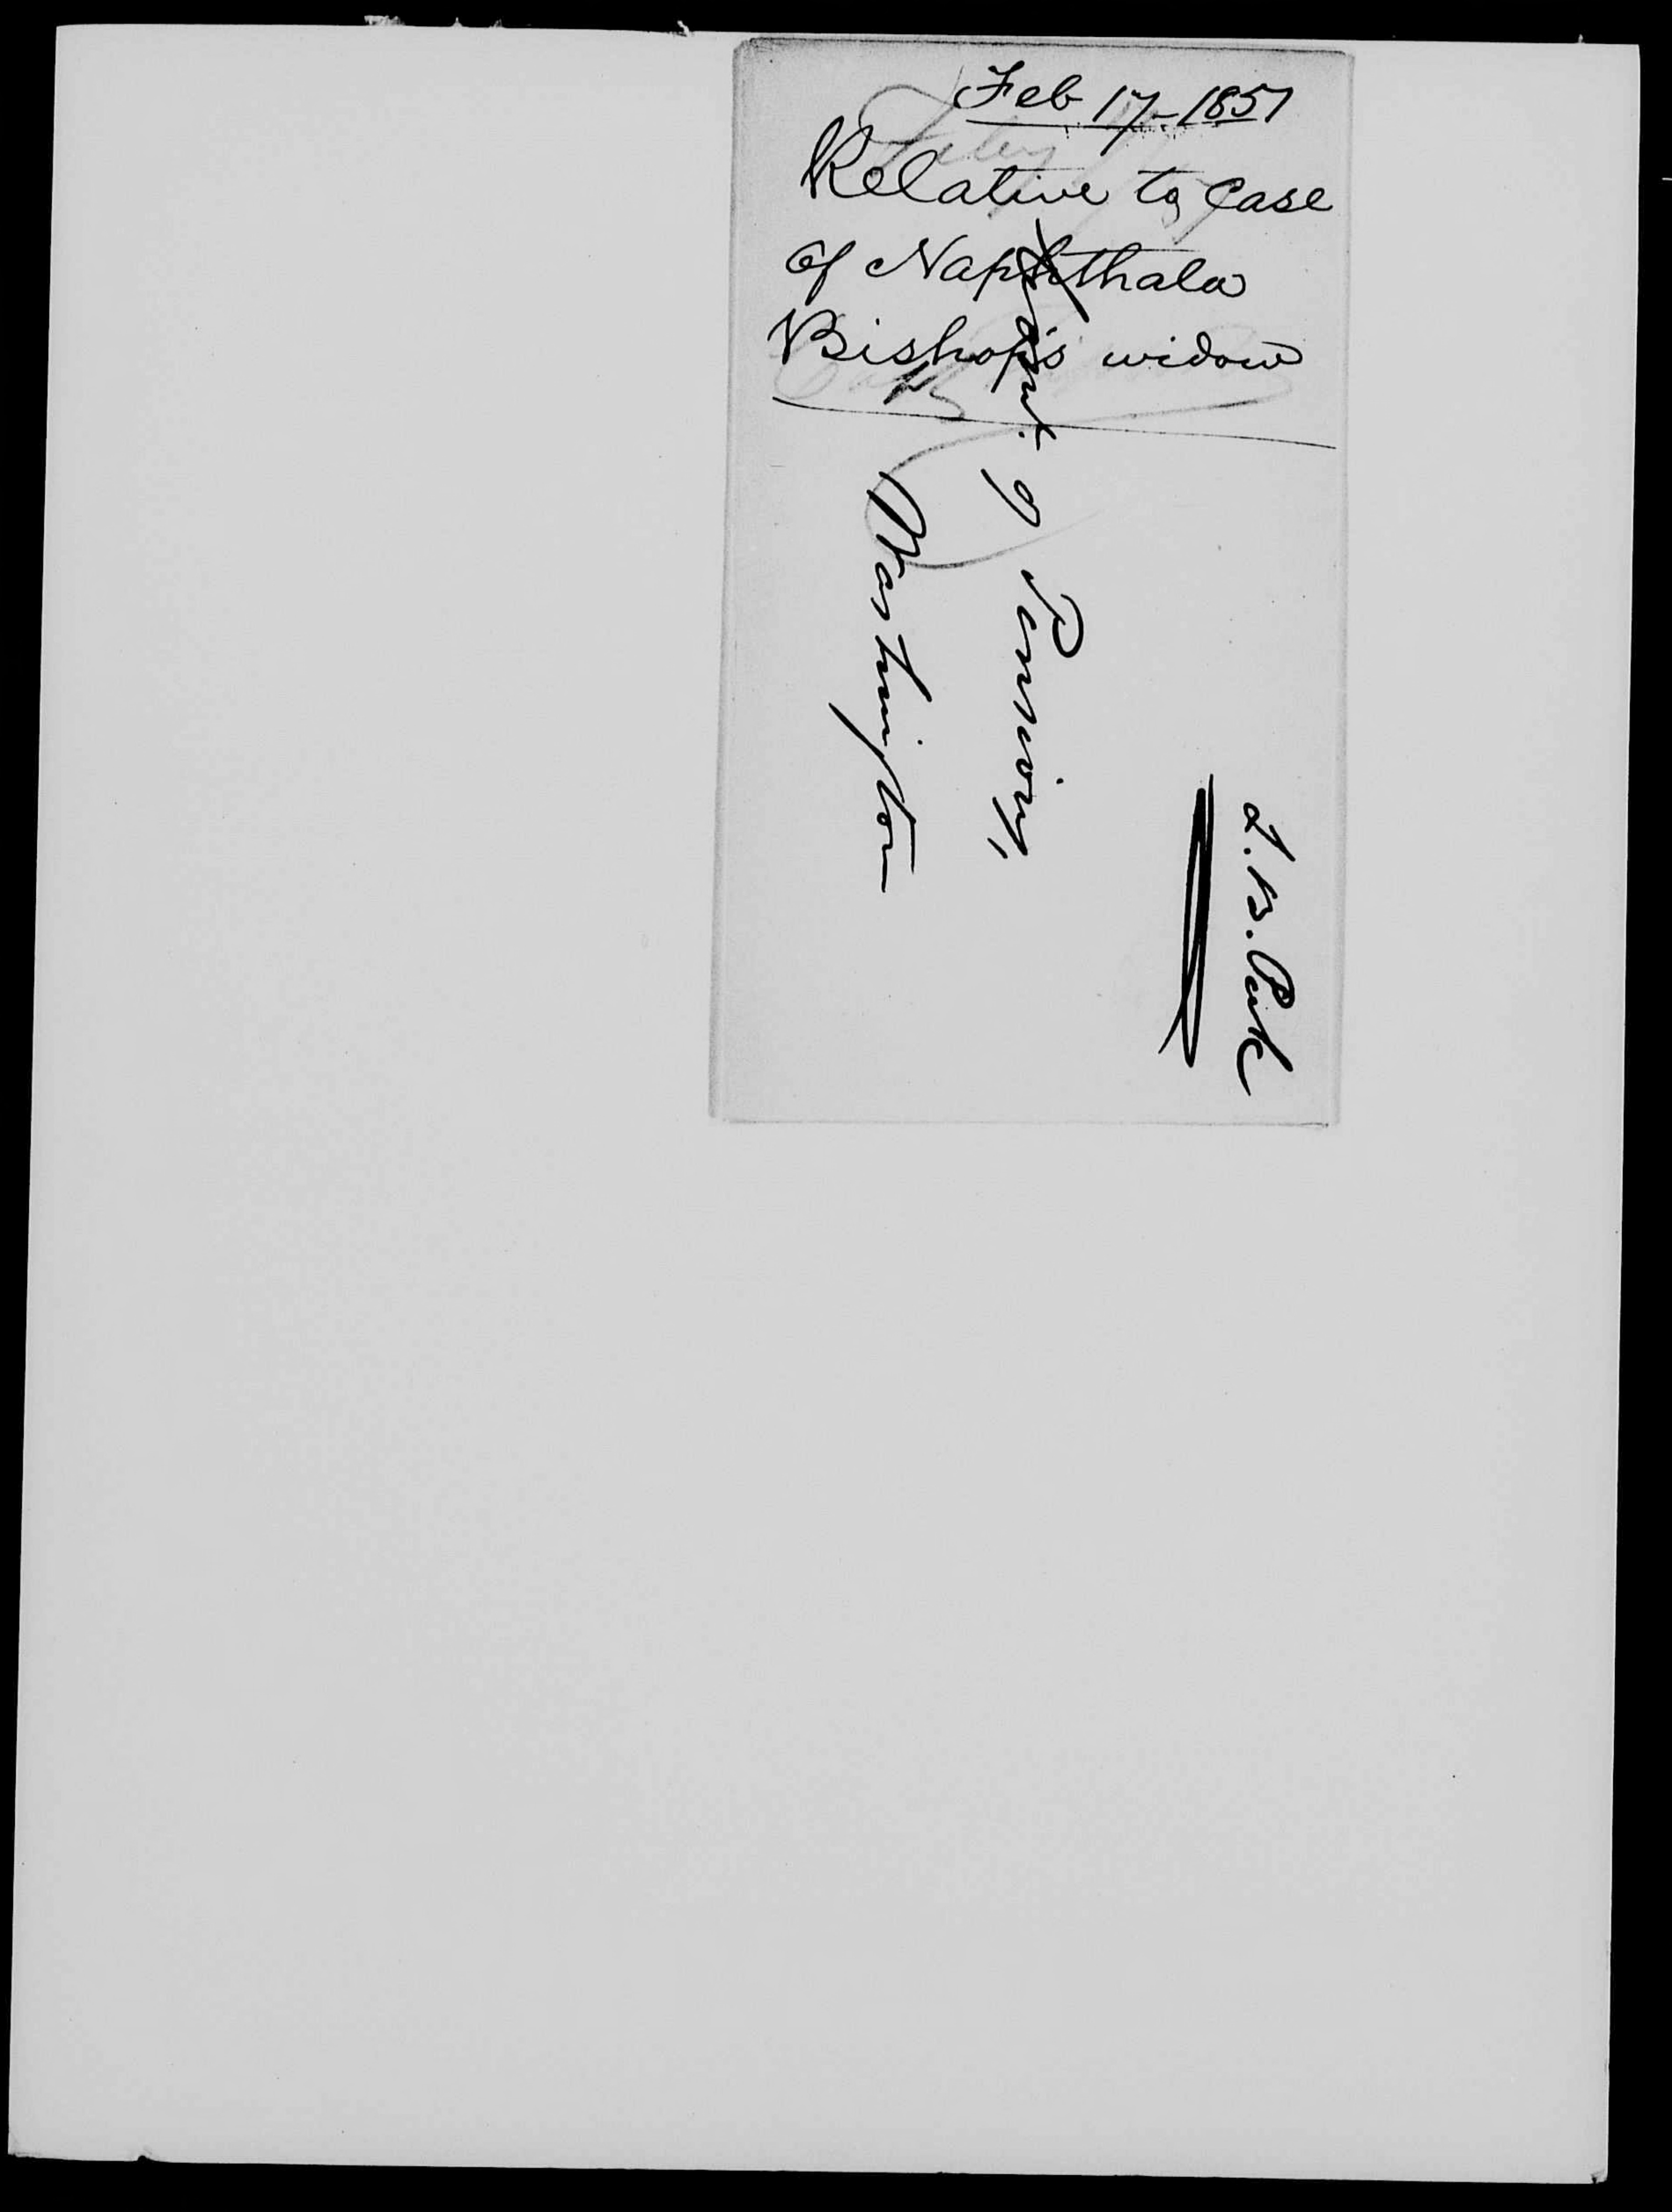Feb 17 - 1851
Relative to case of Naphthala Bishop's widow 

Feby 7/51
[illegible]
Com'r of Pensions,
Washington

L. B. Peck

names: Naphthala Bishop, J B Peck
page: 18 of 27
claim: rejected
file: R. 865, Napthala Bishop, Vt.